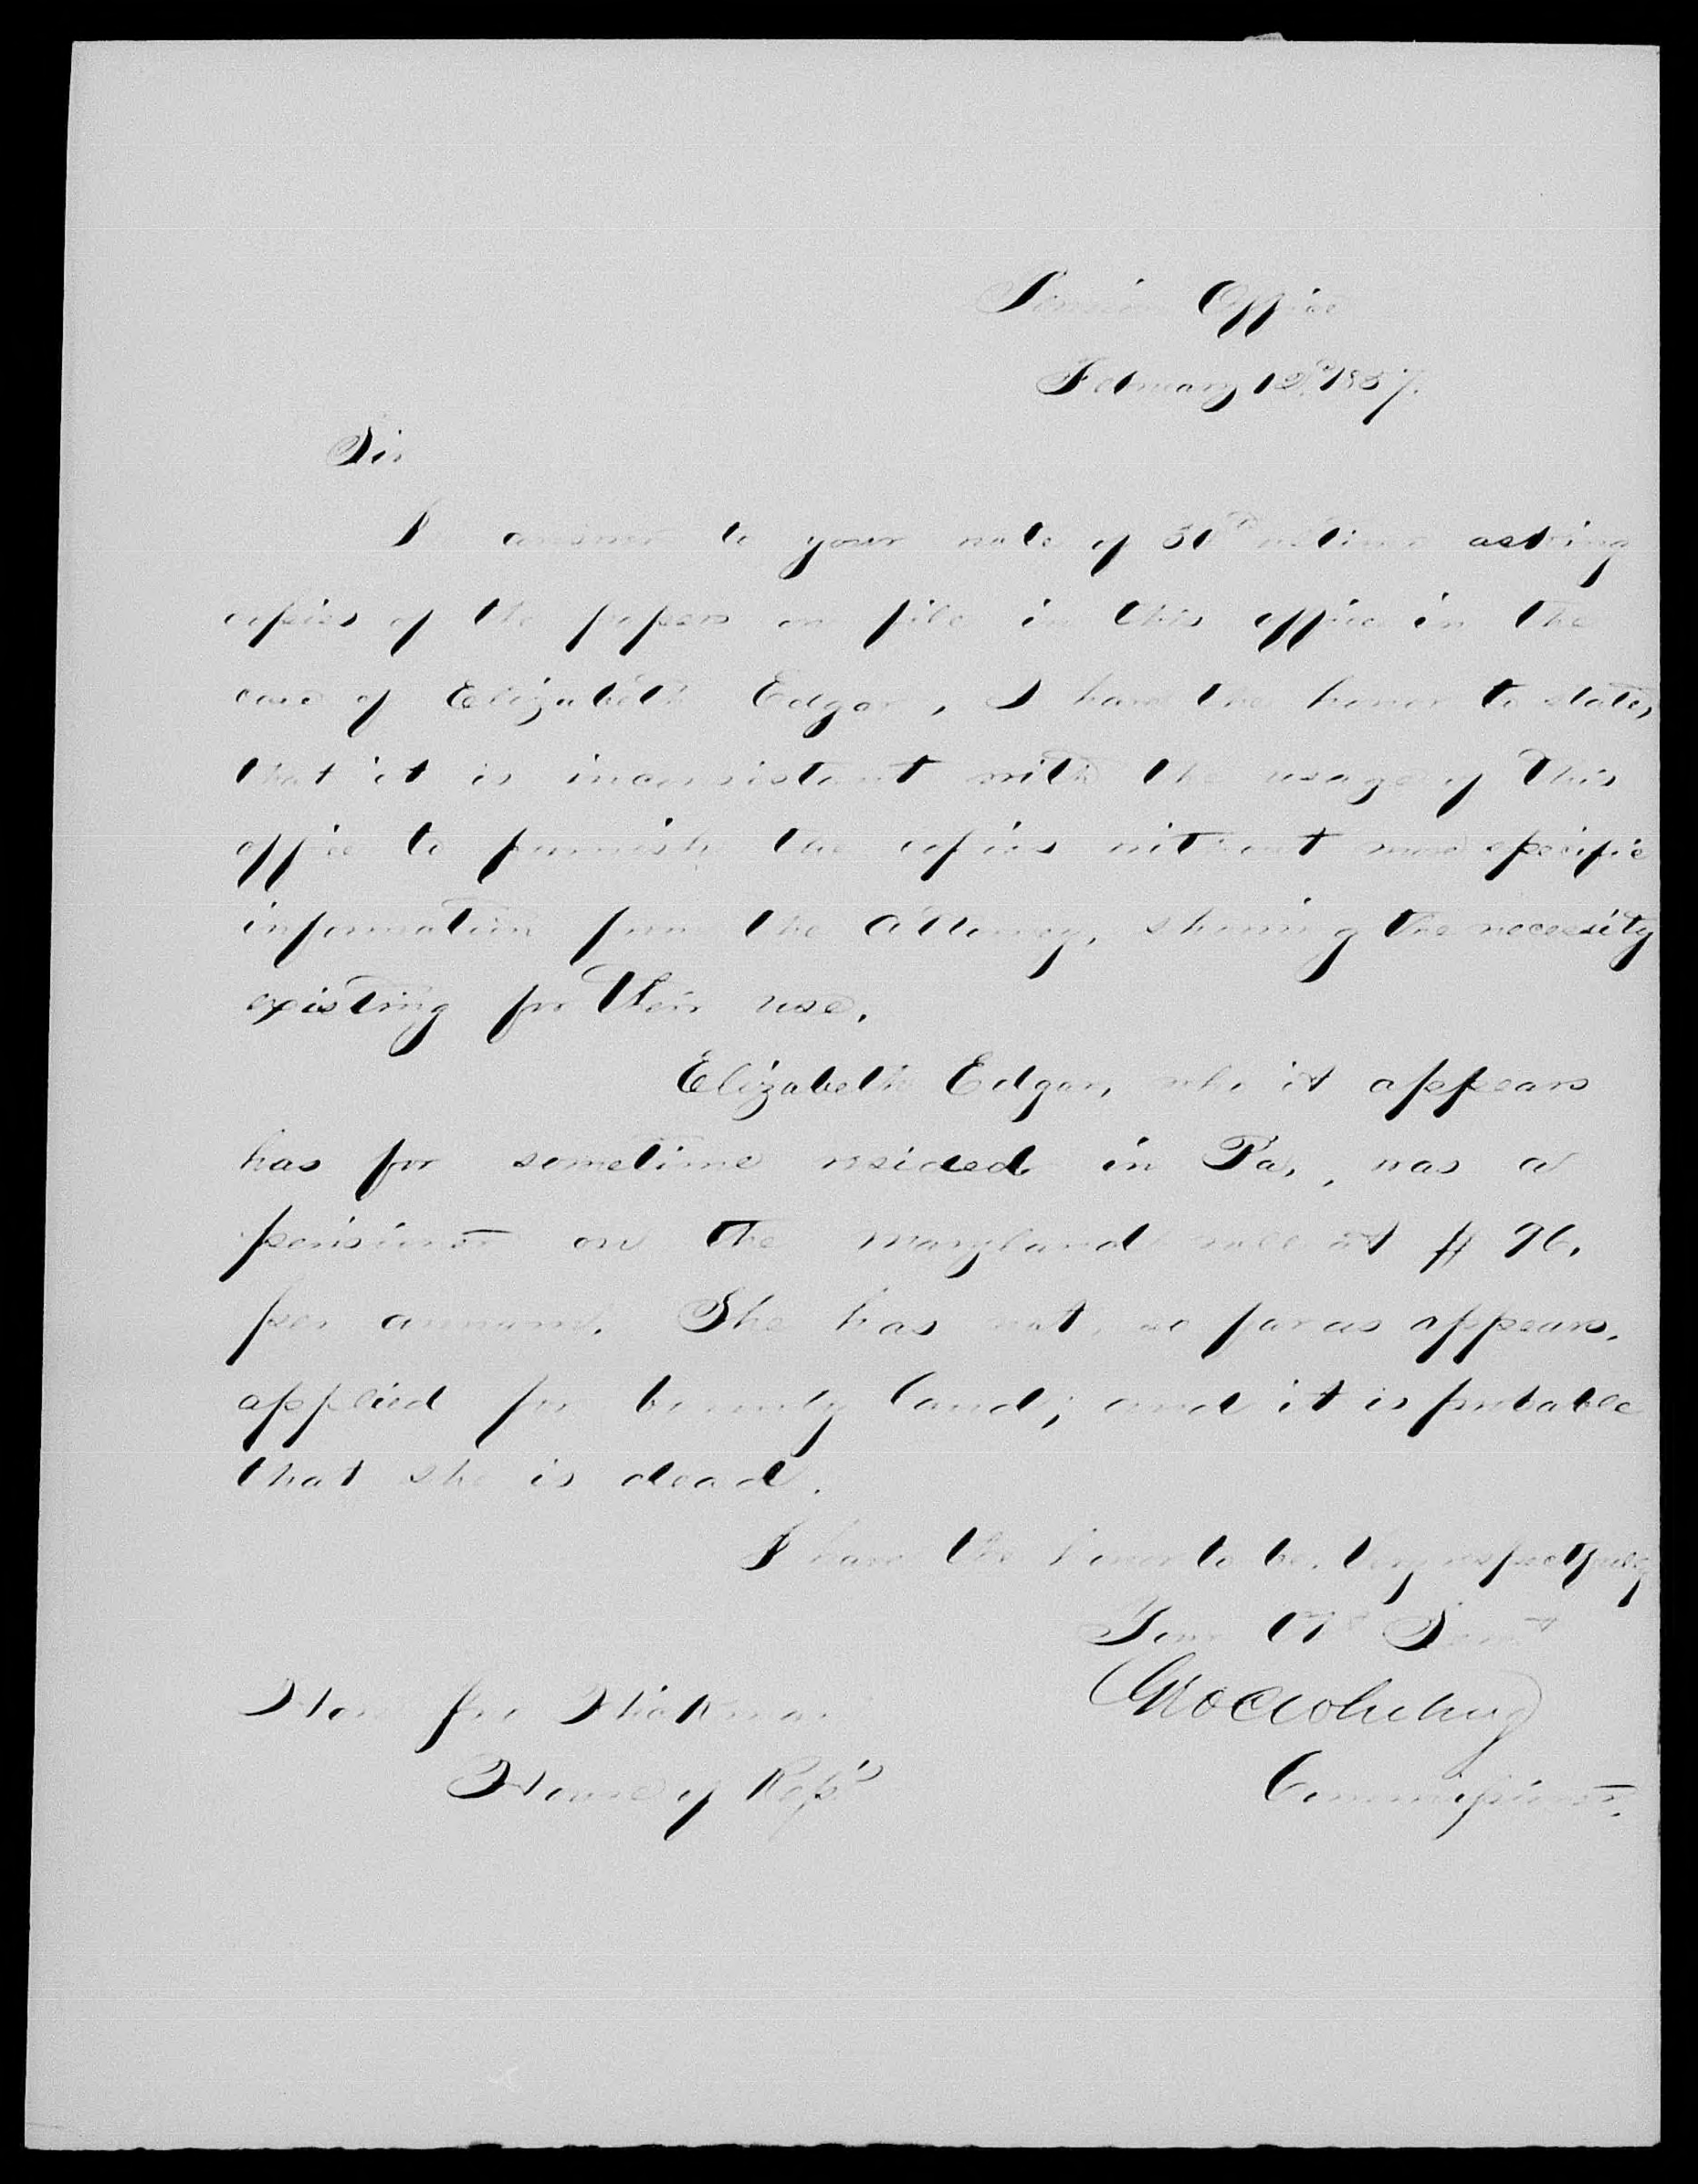Pension Office
February 12th 1837

Sir
I [illegible] to your note of 30th [illegible] asking
copies of the papers on file in this office in the
case of Elizabeth Edgar, I have the honor to state,
that is is inconsistent with the usage of this
office to furnish the copies without more specific
information from the attorney showing the necessity
existing for this use.
Elizabeth Edgar, who it appears
has for sometime resided in Pa, was a
pensioner on the Maryland roll at $96
per annum. She has not, as far as appears,
applied for bounty land; and it is probable
that she is dead.
I have the honor to be Very respectfully
Your Obt Servt
 Geo C Whiting
Commissioner

Hon Jno Hickman
House of Repr.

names: Jno Hickman, Geo C Whiting, Elizabeth Edgar, Elizabeth Edgar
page: 56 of 74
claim: widow's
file: W. 9422, James Edgar, Penn.